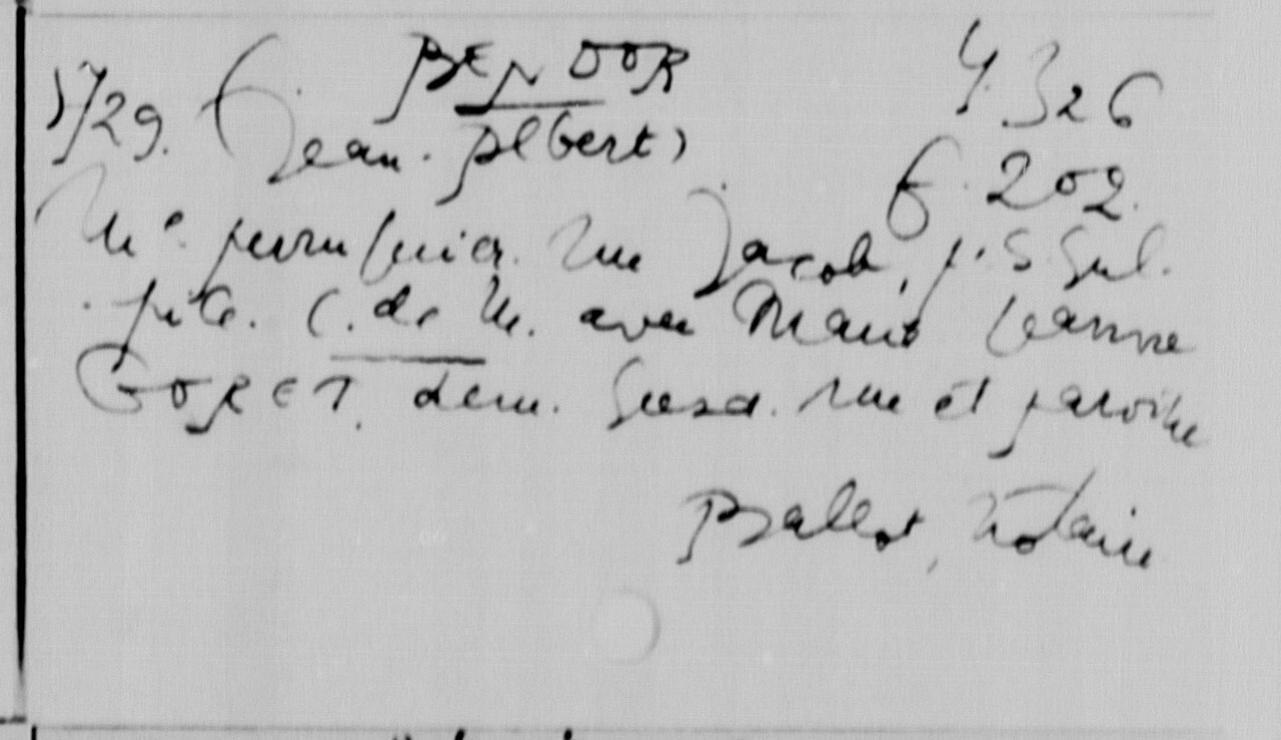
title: BENDOR (Jean-Albert)
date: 1729
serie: Y
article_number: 326
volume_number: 202
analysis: Maître perruquier. rue Jacob, paroisse Saint-Sulpice. Contrat de mariage avec Marie Jeanne GORET, demeurant susdites rue et paroisse. Ballot, notaire.
